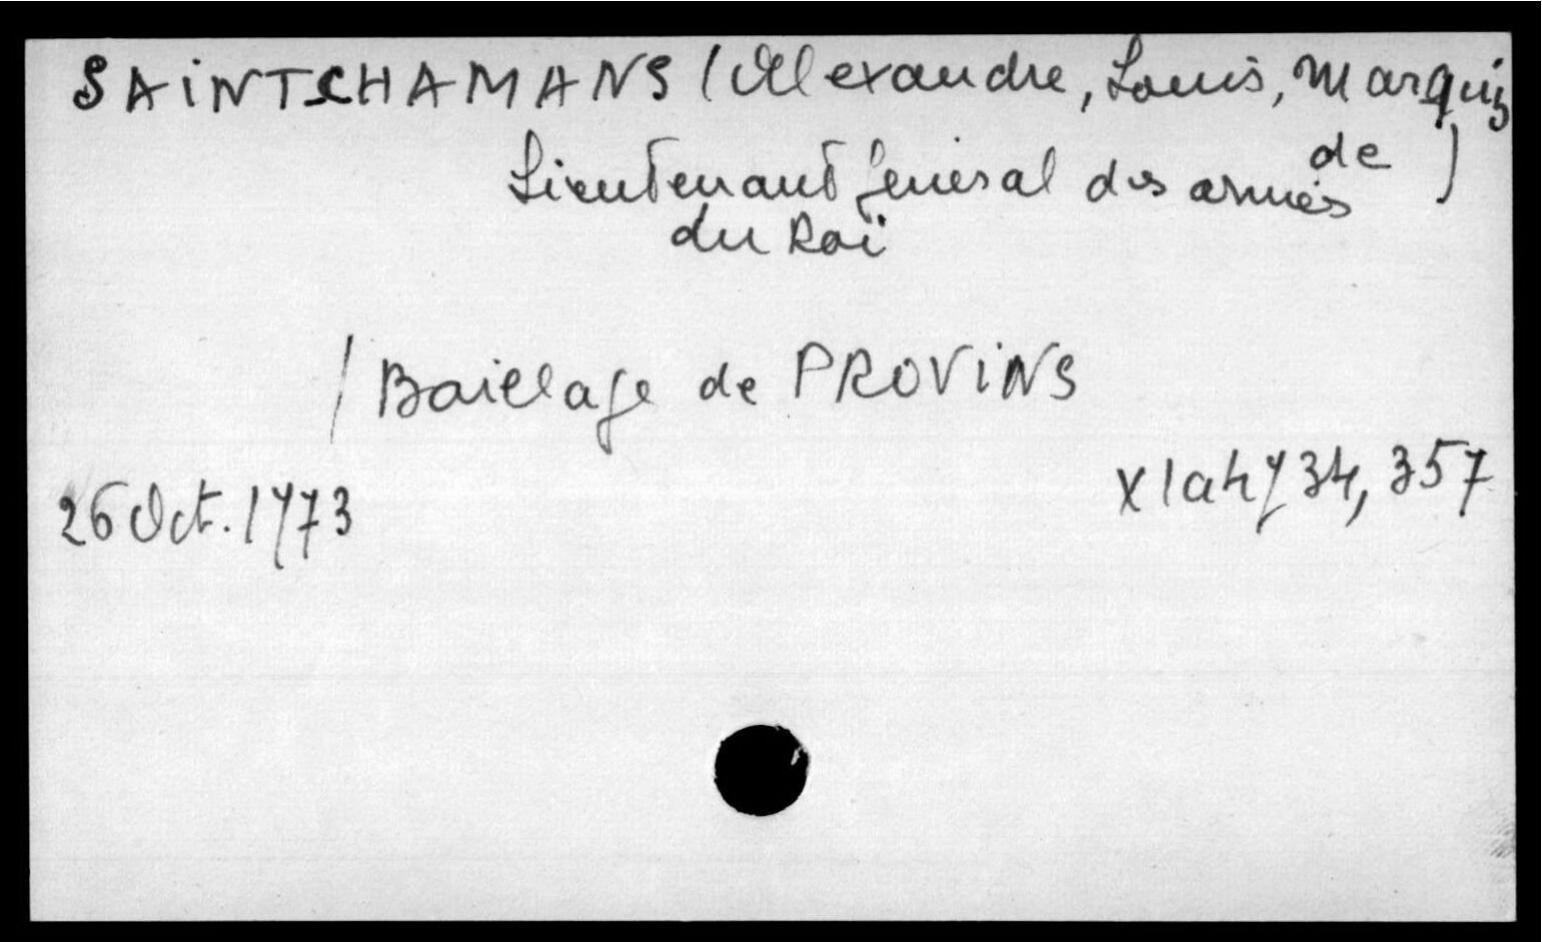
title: SAINT-CHAMANS (Alexandre, louis, marquis de) Lieutenant général des armées du Roi
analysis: Contre Baillage de PROVINS
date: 26 octobre 1773
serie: X1a
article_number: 4734
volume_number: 357
